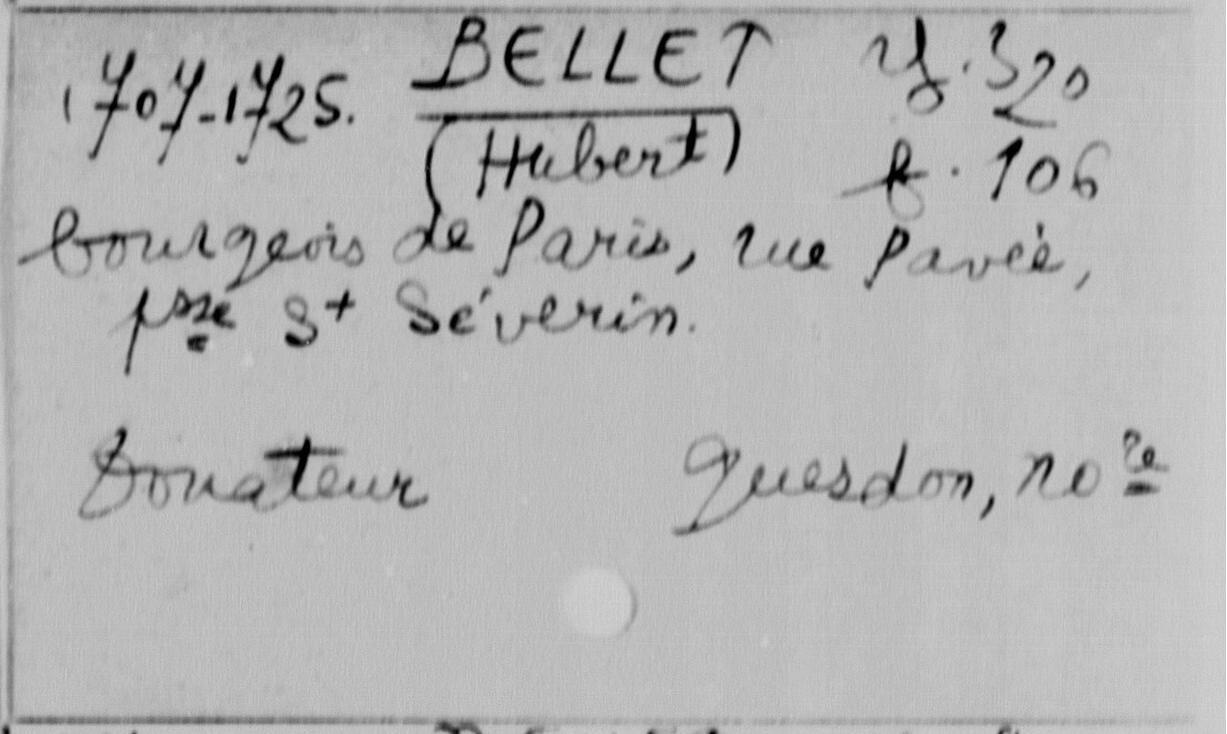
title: AELLET (Hubert)
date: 1707-1725
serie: Y
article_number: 320
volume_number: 106
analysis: Bourgeois de Paris, rue Pavée, paroisse Saint-Séverin. Donateur Guesdon, notaire
